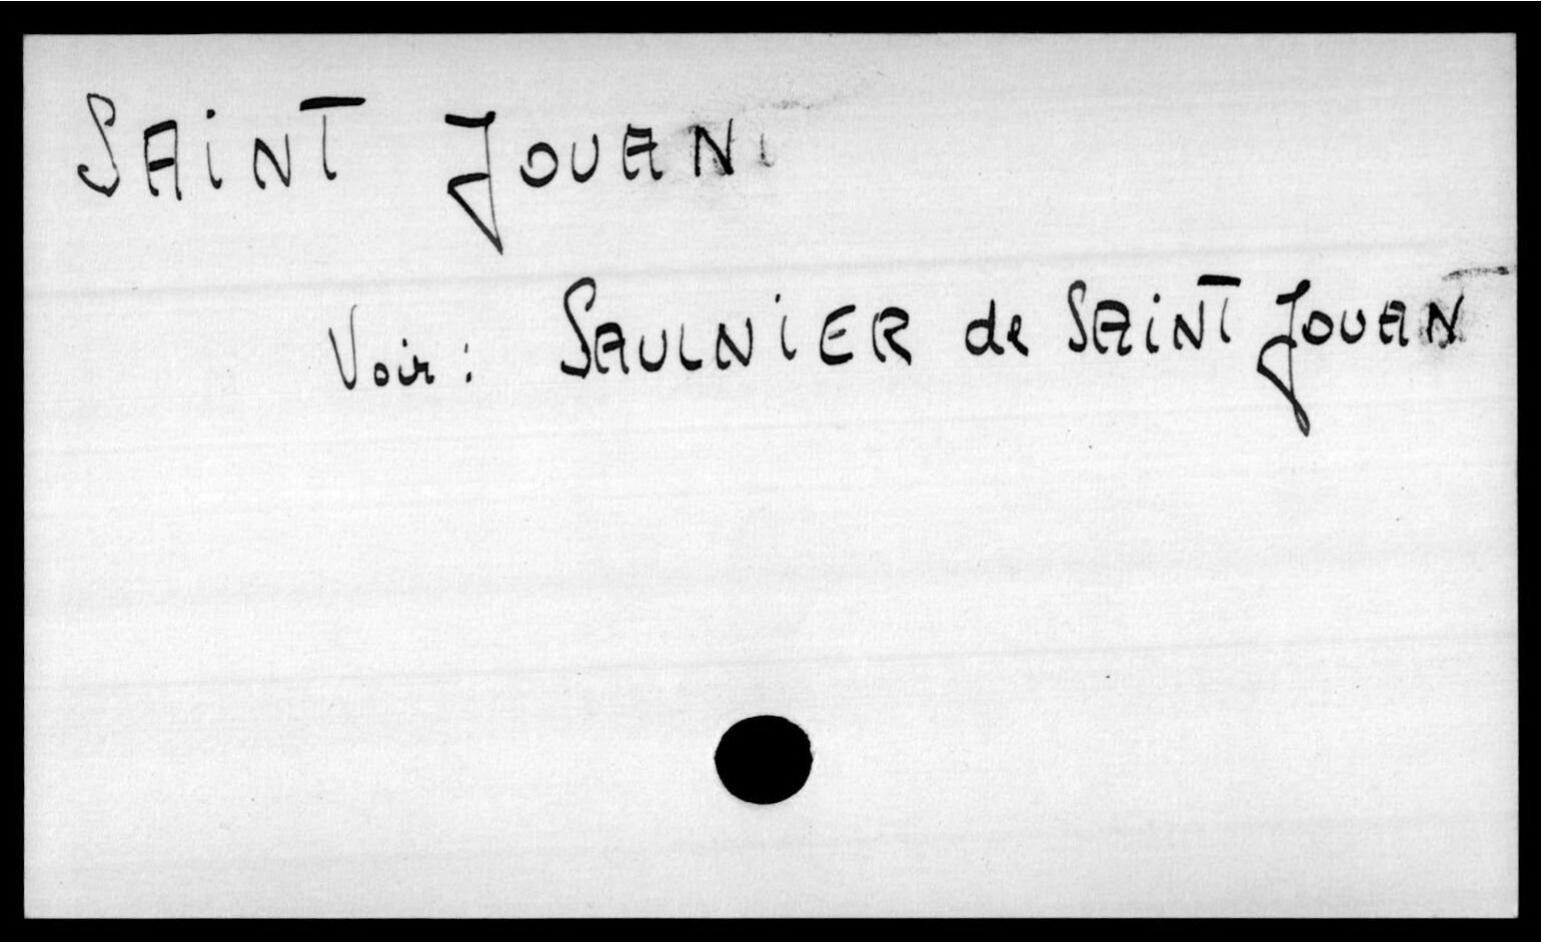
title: SAINT JOUAN
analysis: Voir : SAULNIER de SAINT JOUAN
